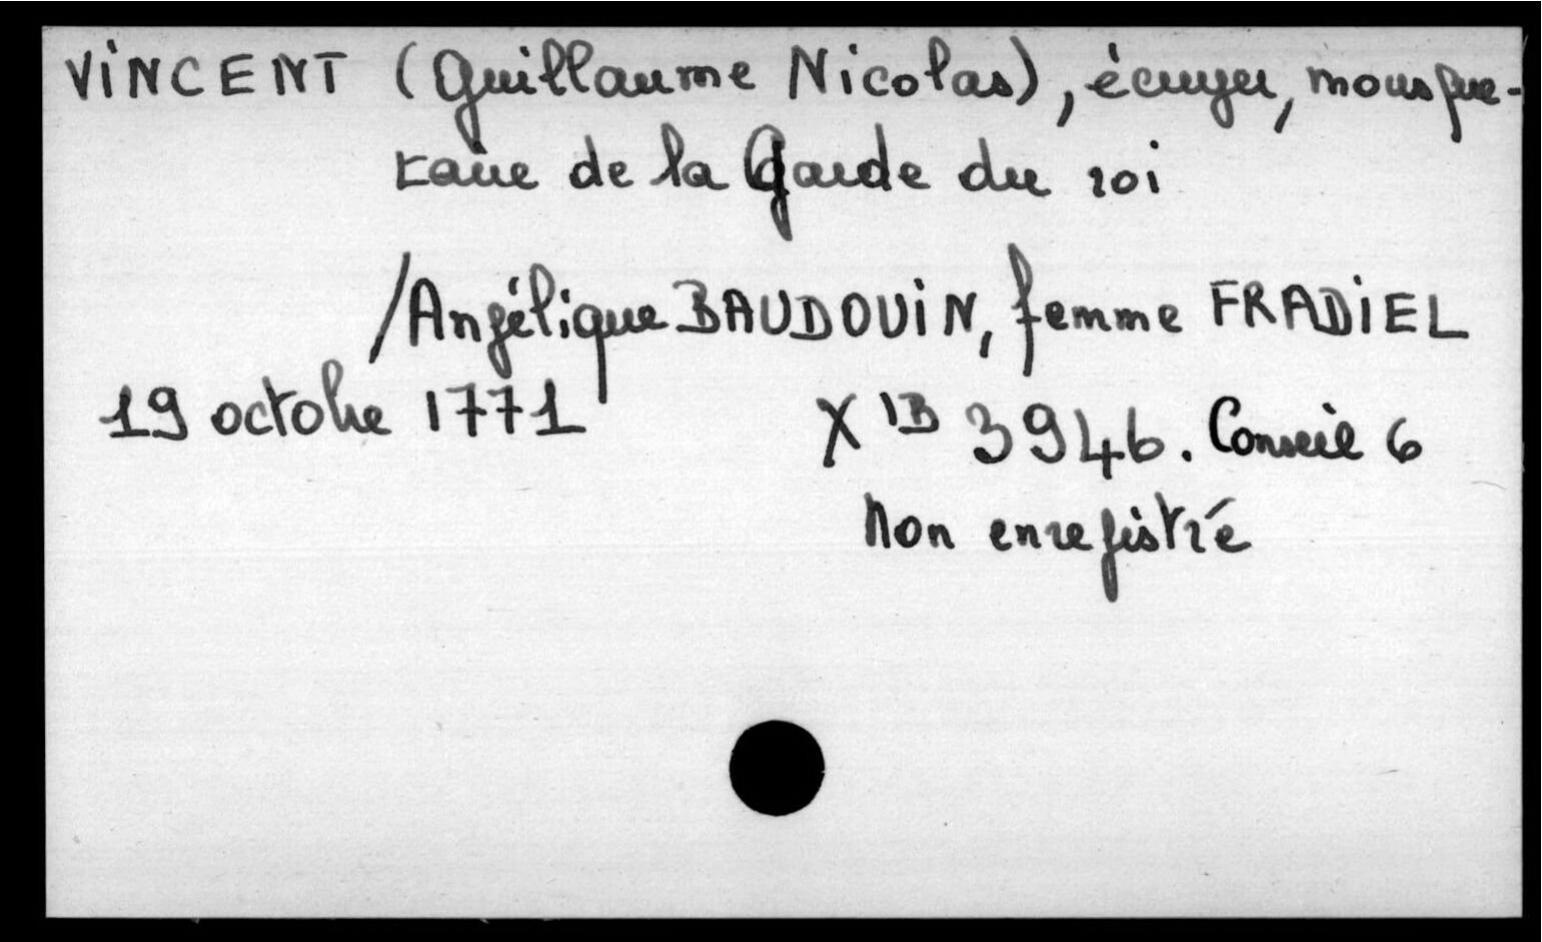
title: VINCENT (Guillaume Nicolas), écuyer, mousquetaire de la Garde du roi
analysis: Contre Angélique BAUDOUIN, femme FRADIEL
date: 19 octobre 1771
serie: X1B
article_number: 3946
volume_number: Conseil, 6 non enregistré
